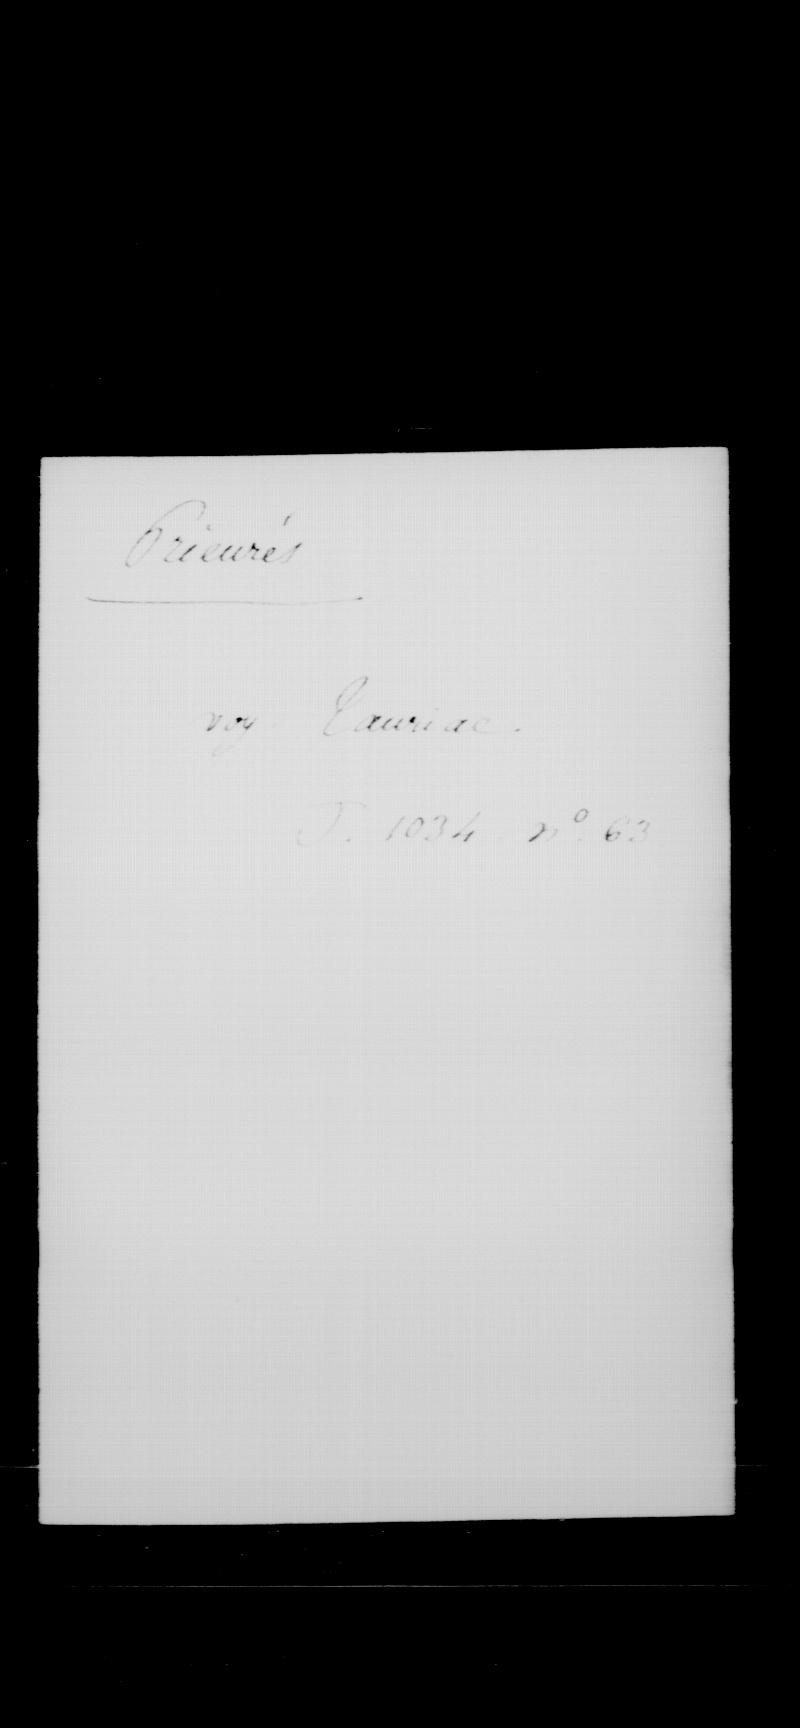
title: Prieurés
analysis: Voir Tauriac
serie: J
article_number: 1034
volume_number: n° 63
